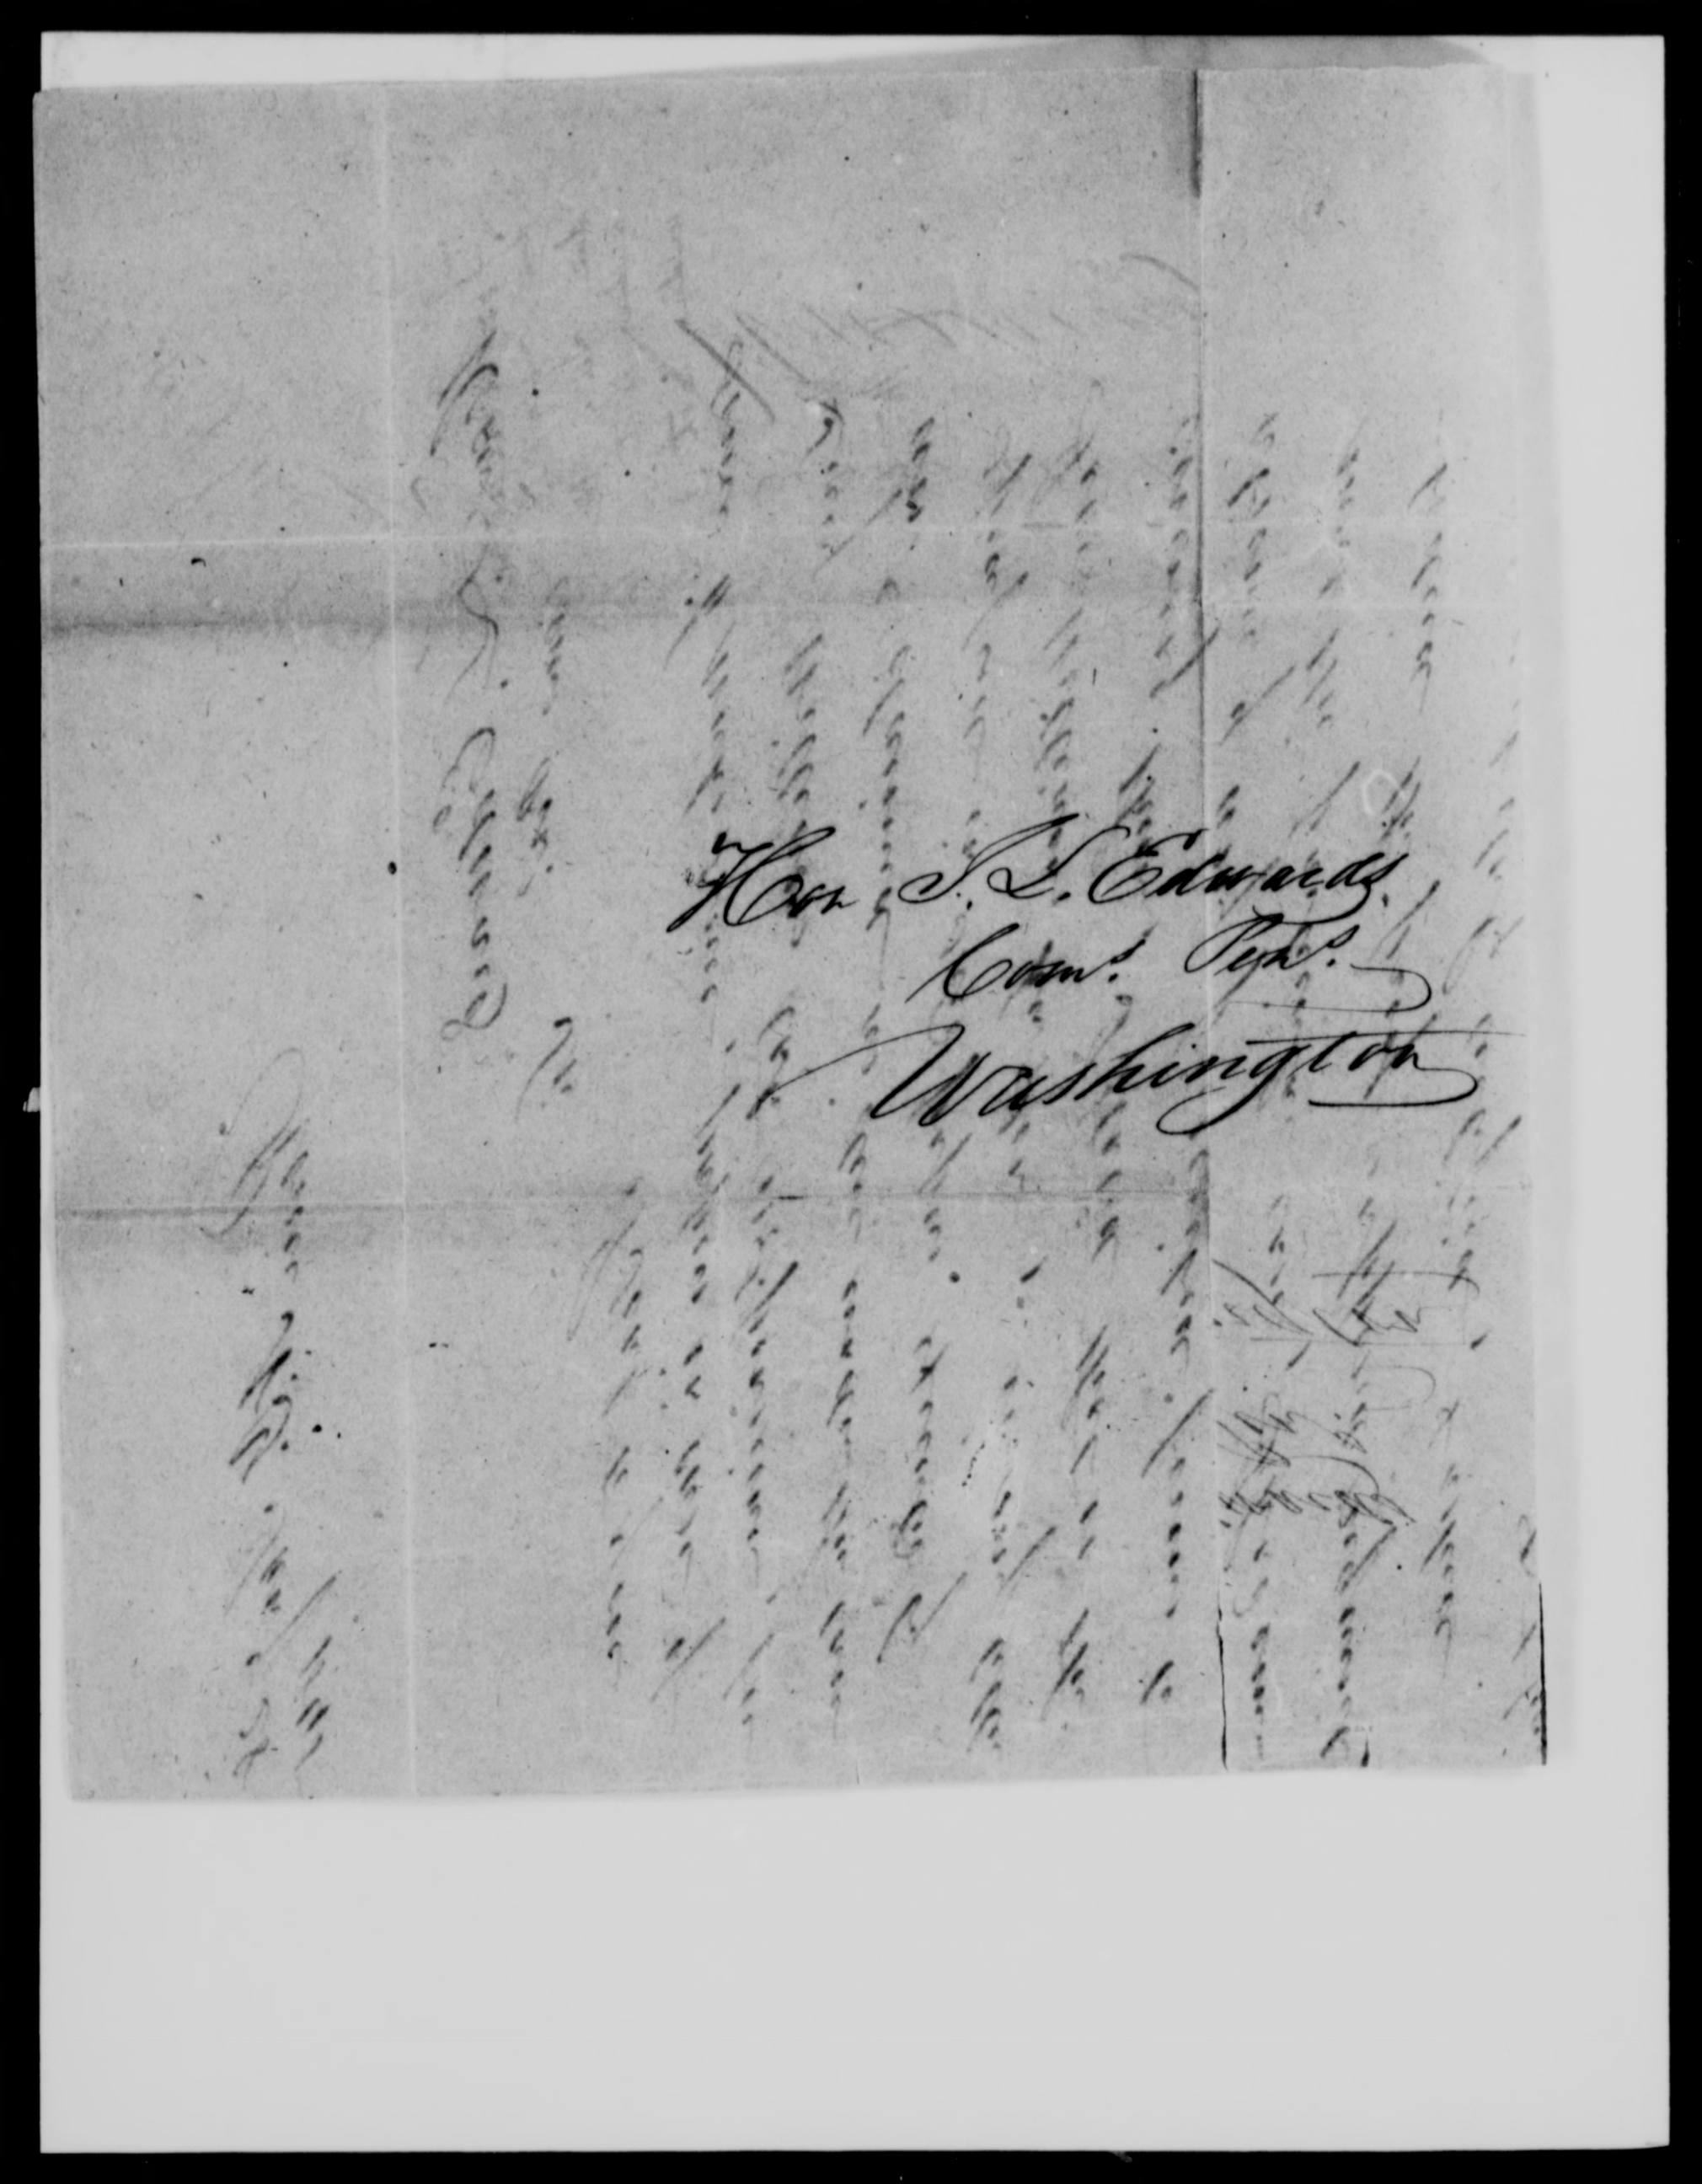Hon J. L. Edwards
Cosn Pehs
Washington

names: J L Edwards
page: 30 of 63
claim: widow's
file: W. 22,632, David Williams, Conn. Continental Privateer